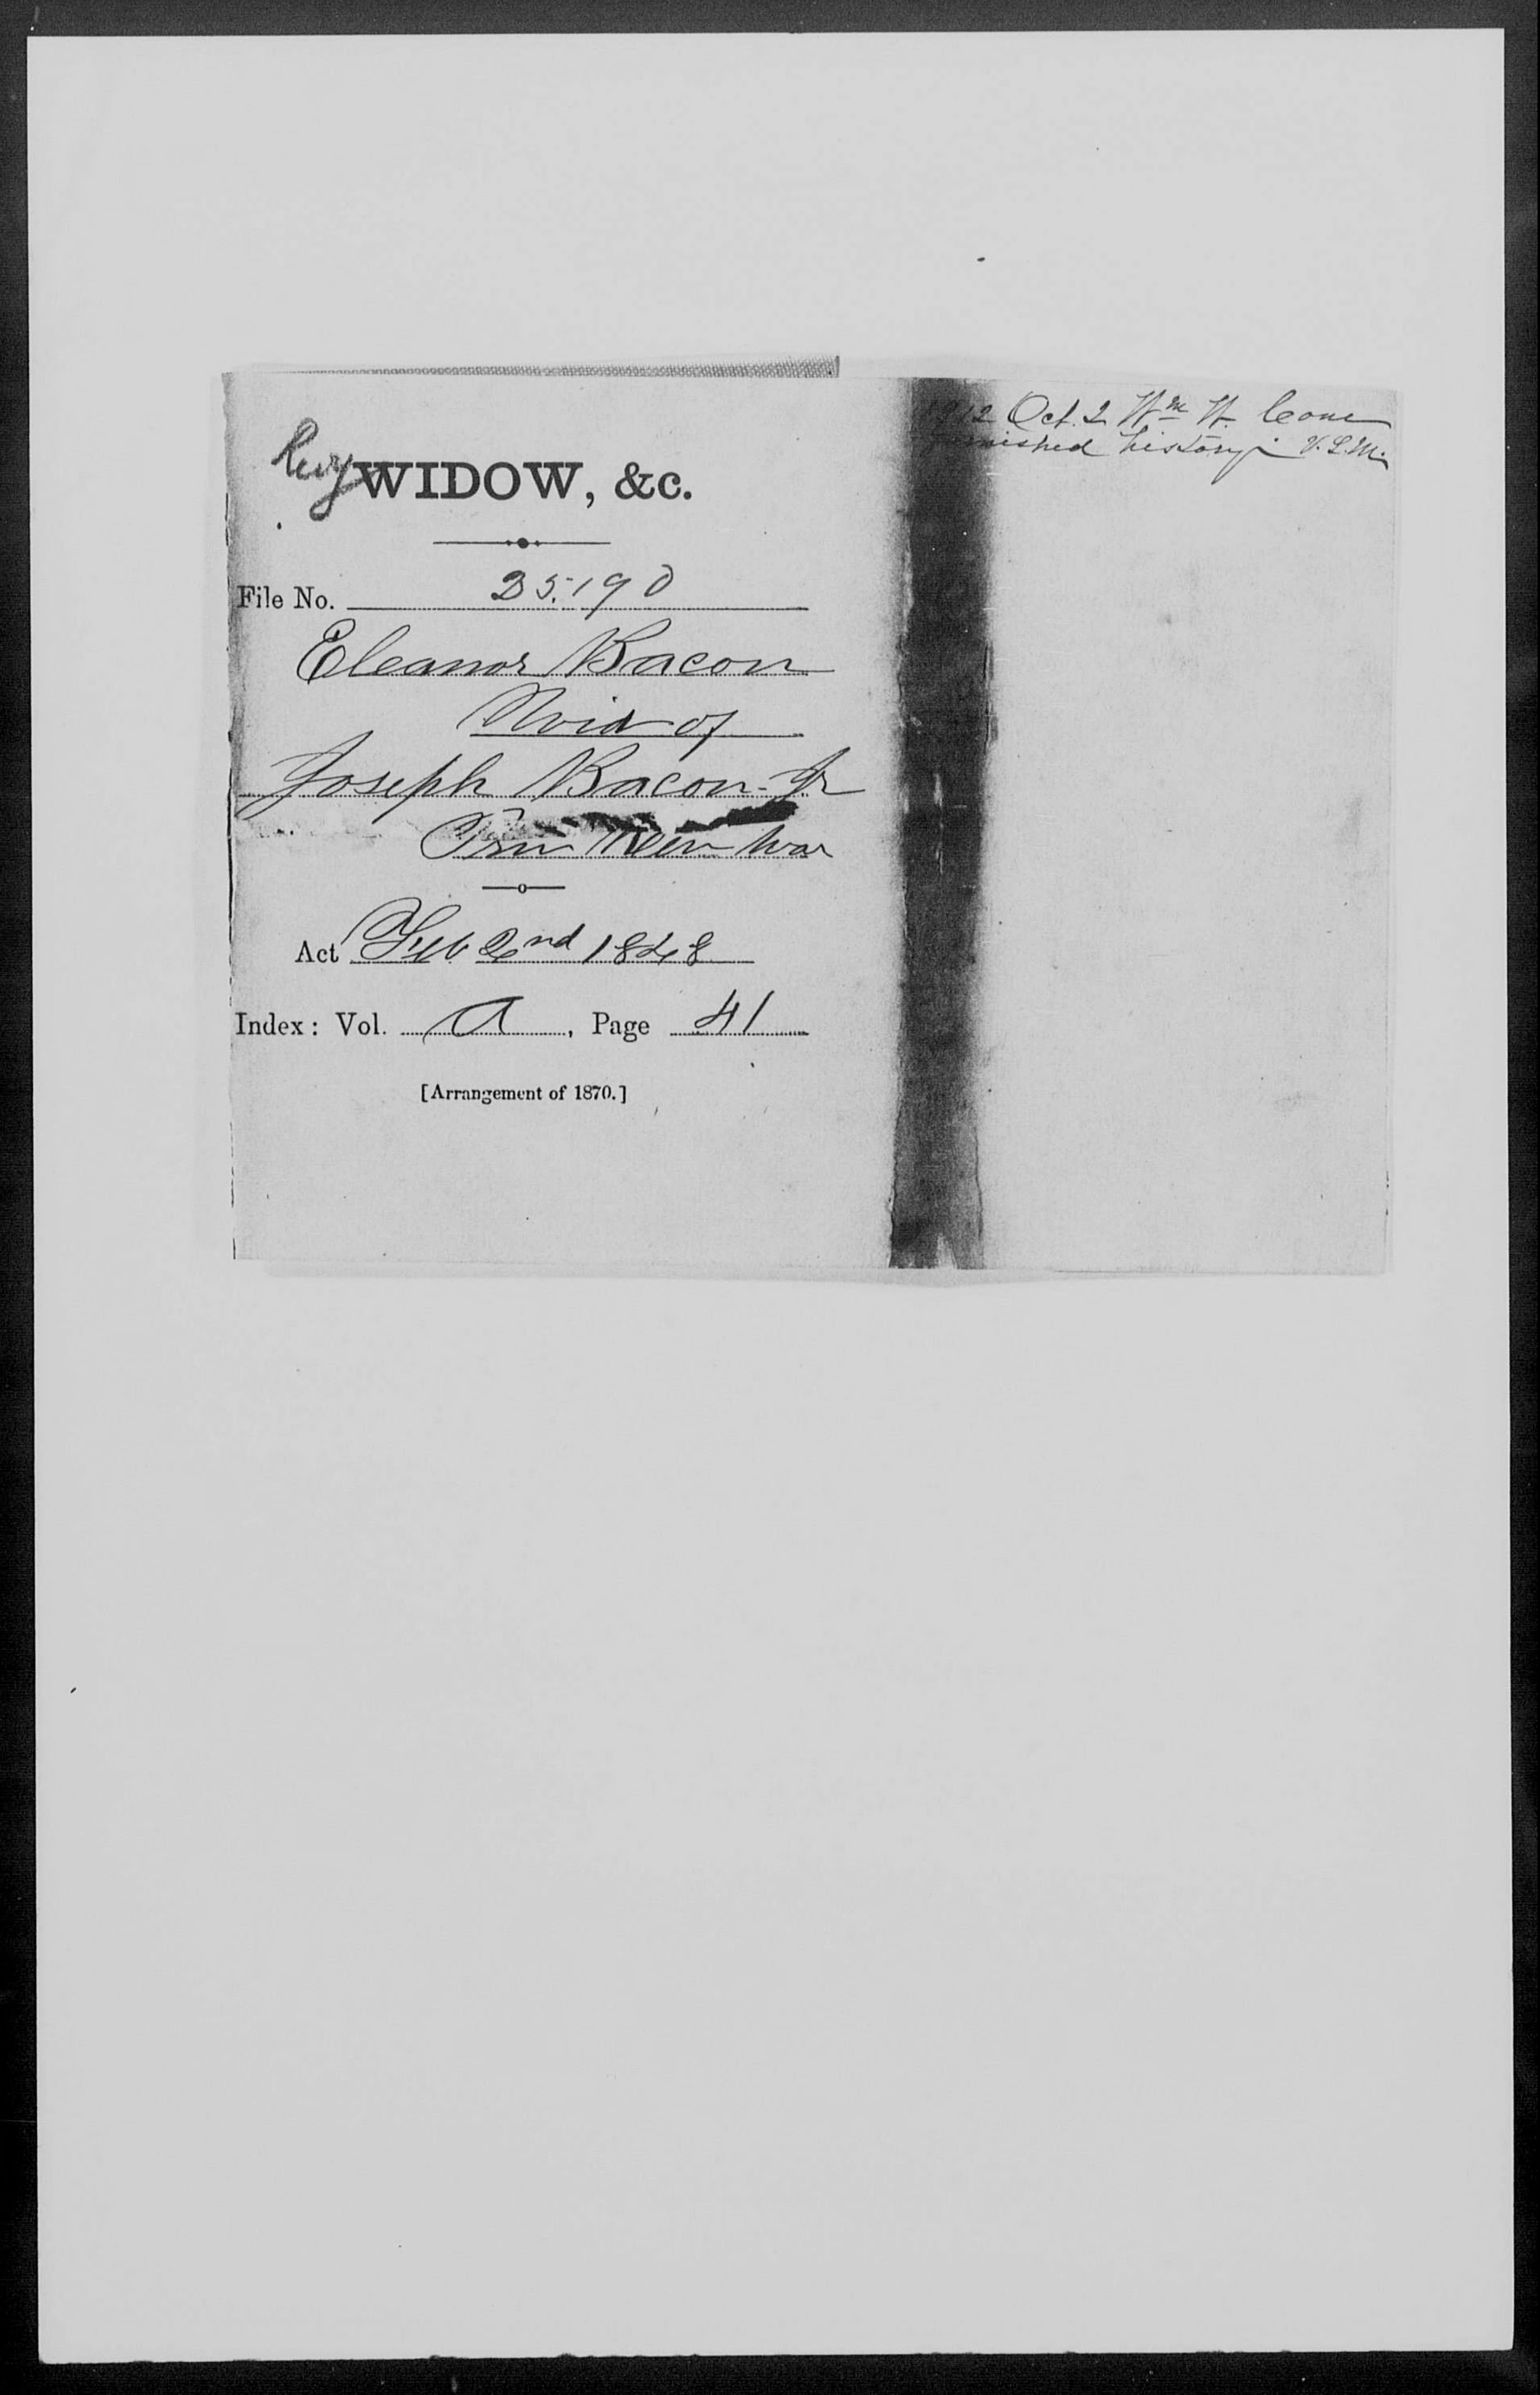"Revy" WIDOW, &c (etc.)
_____
File No. "25.190
Eleanor Bacon
Widow of 
Joseph Bacon Jr.
Private Revolutionary War
_____
Act "Feb 2nd 1848"
Index: Vol "A", Page "41"
[Arrangement of 1870}

1912 Oct/ 2. Wm W. Cone
Furnished history.   V. L. M.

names: Joseph Bacon, Eleanor Bacon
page: 11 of 24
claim: widow's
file: W. 25190, Joseph Bacon, Continental (Conn)